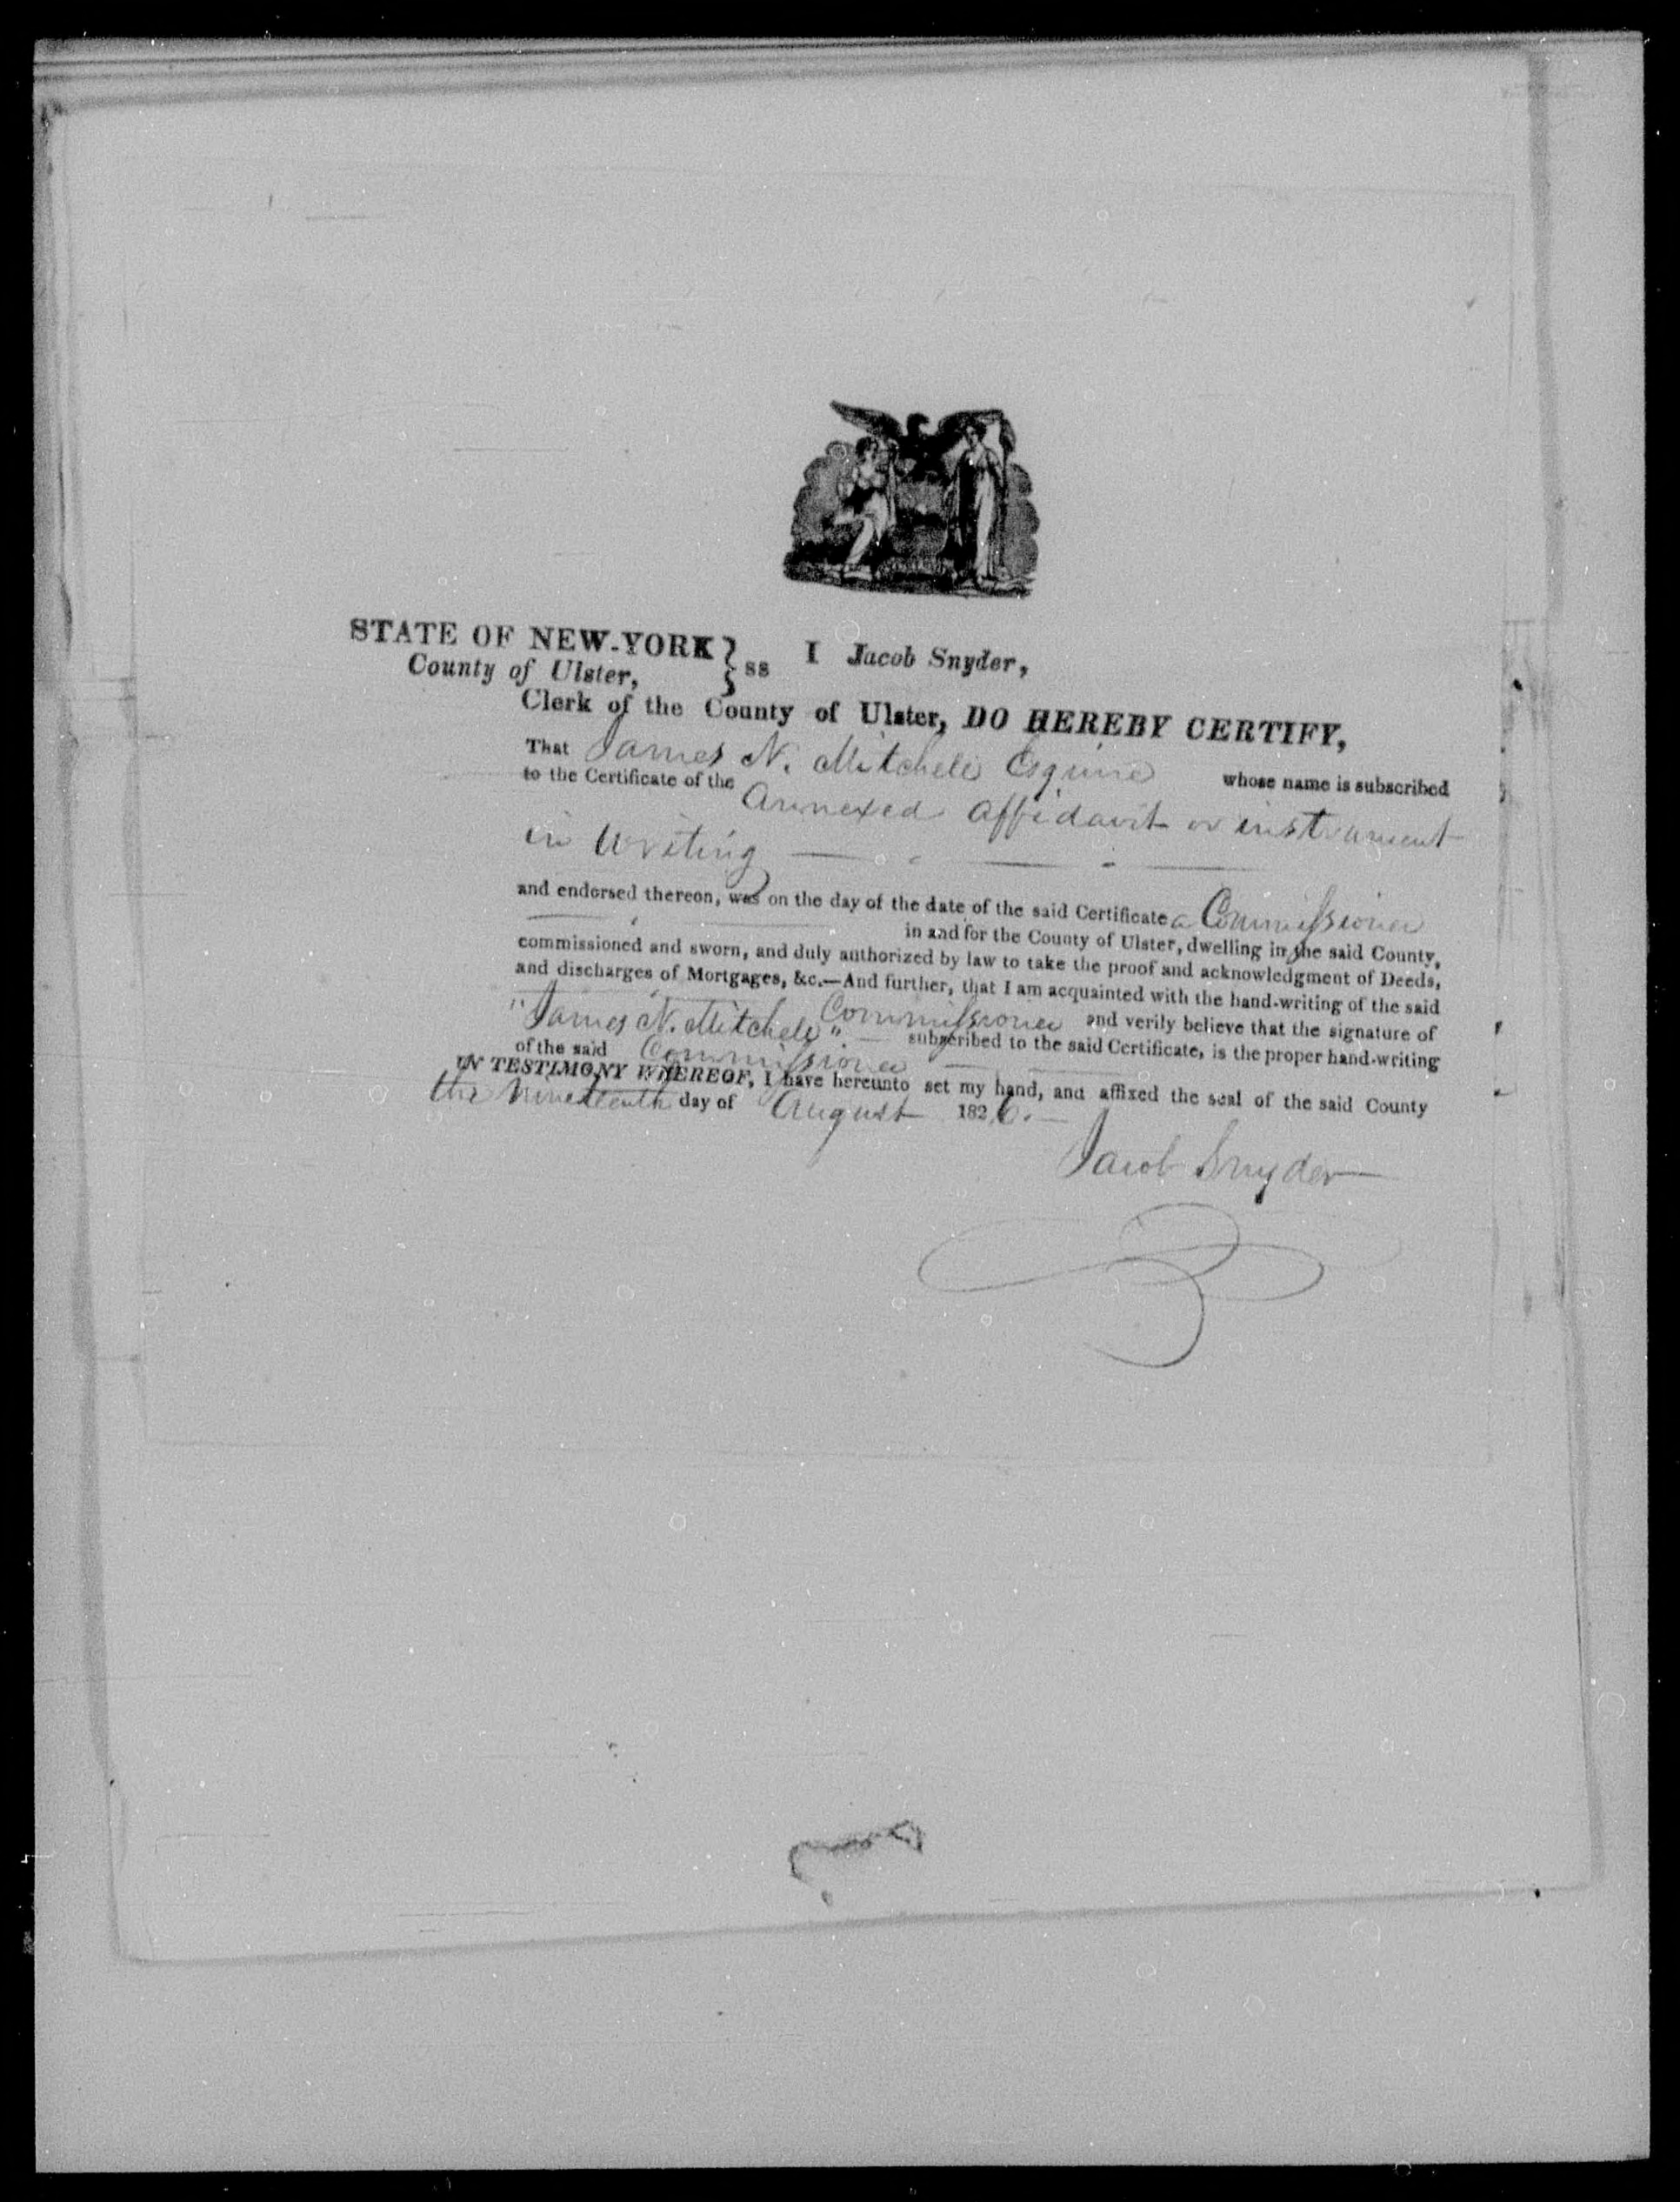STATE OF NEW YORK
County of Ulster.
I Jacob Snyder,
Clerk of the County of Ulster DO HEREBY CERTIFY,
That James N. Mitchell Esquire
whose name is subscribed
to the Certificate of the Annexed affidavit or instrument
in writing
and endorsed thereon, or on the day of the date of the said Certificate a Commissioner
---
---
commissioned and sworn, and duly authorized by law to take the proof and acknowledgment of Deeds
and discharge of Mortgages, &c. And further, that I am acquainted with the hand writing of the said
A Commissioner and verily believe that the signature of
of the said subscribed to the said Certificate, is the proper hand writing
---
the Nineteenth day of August 1821.
hereunto set my hand and affixed the seal of the said County
Jacob Snyder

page: 33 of 64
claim: survivor's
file: S. 42,464, for William Terwilliger, New York